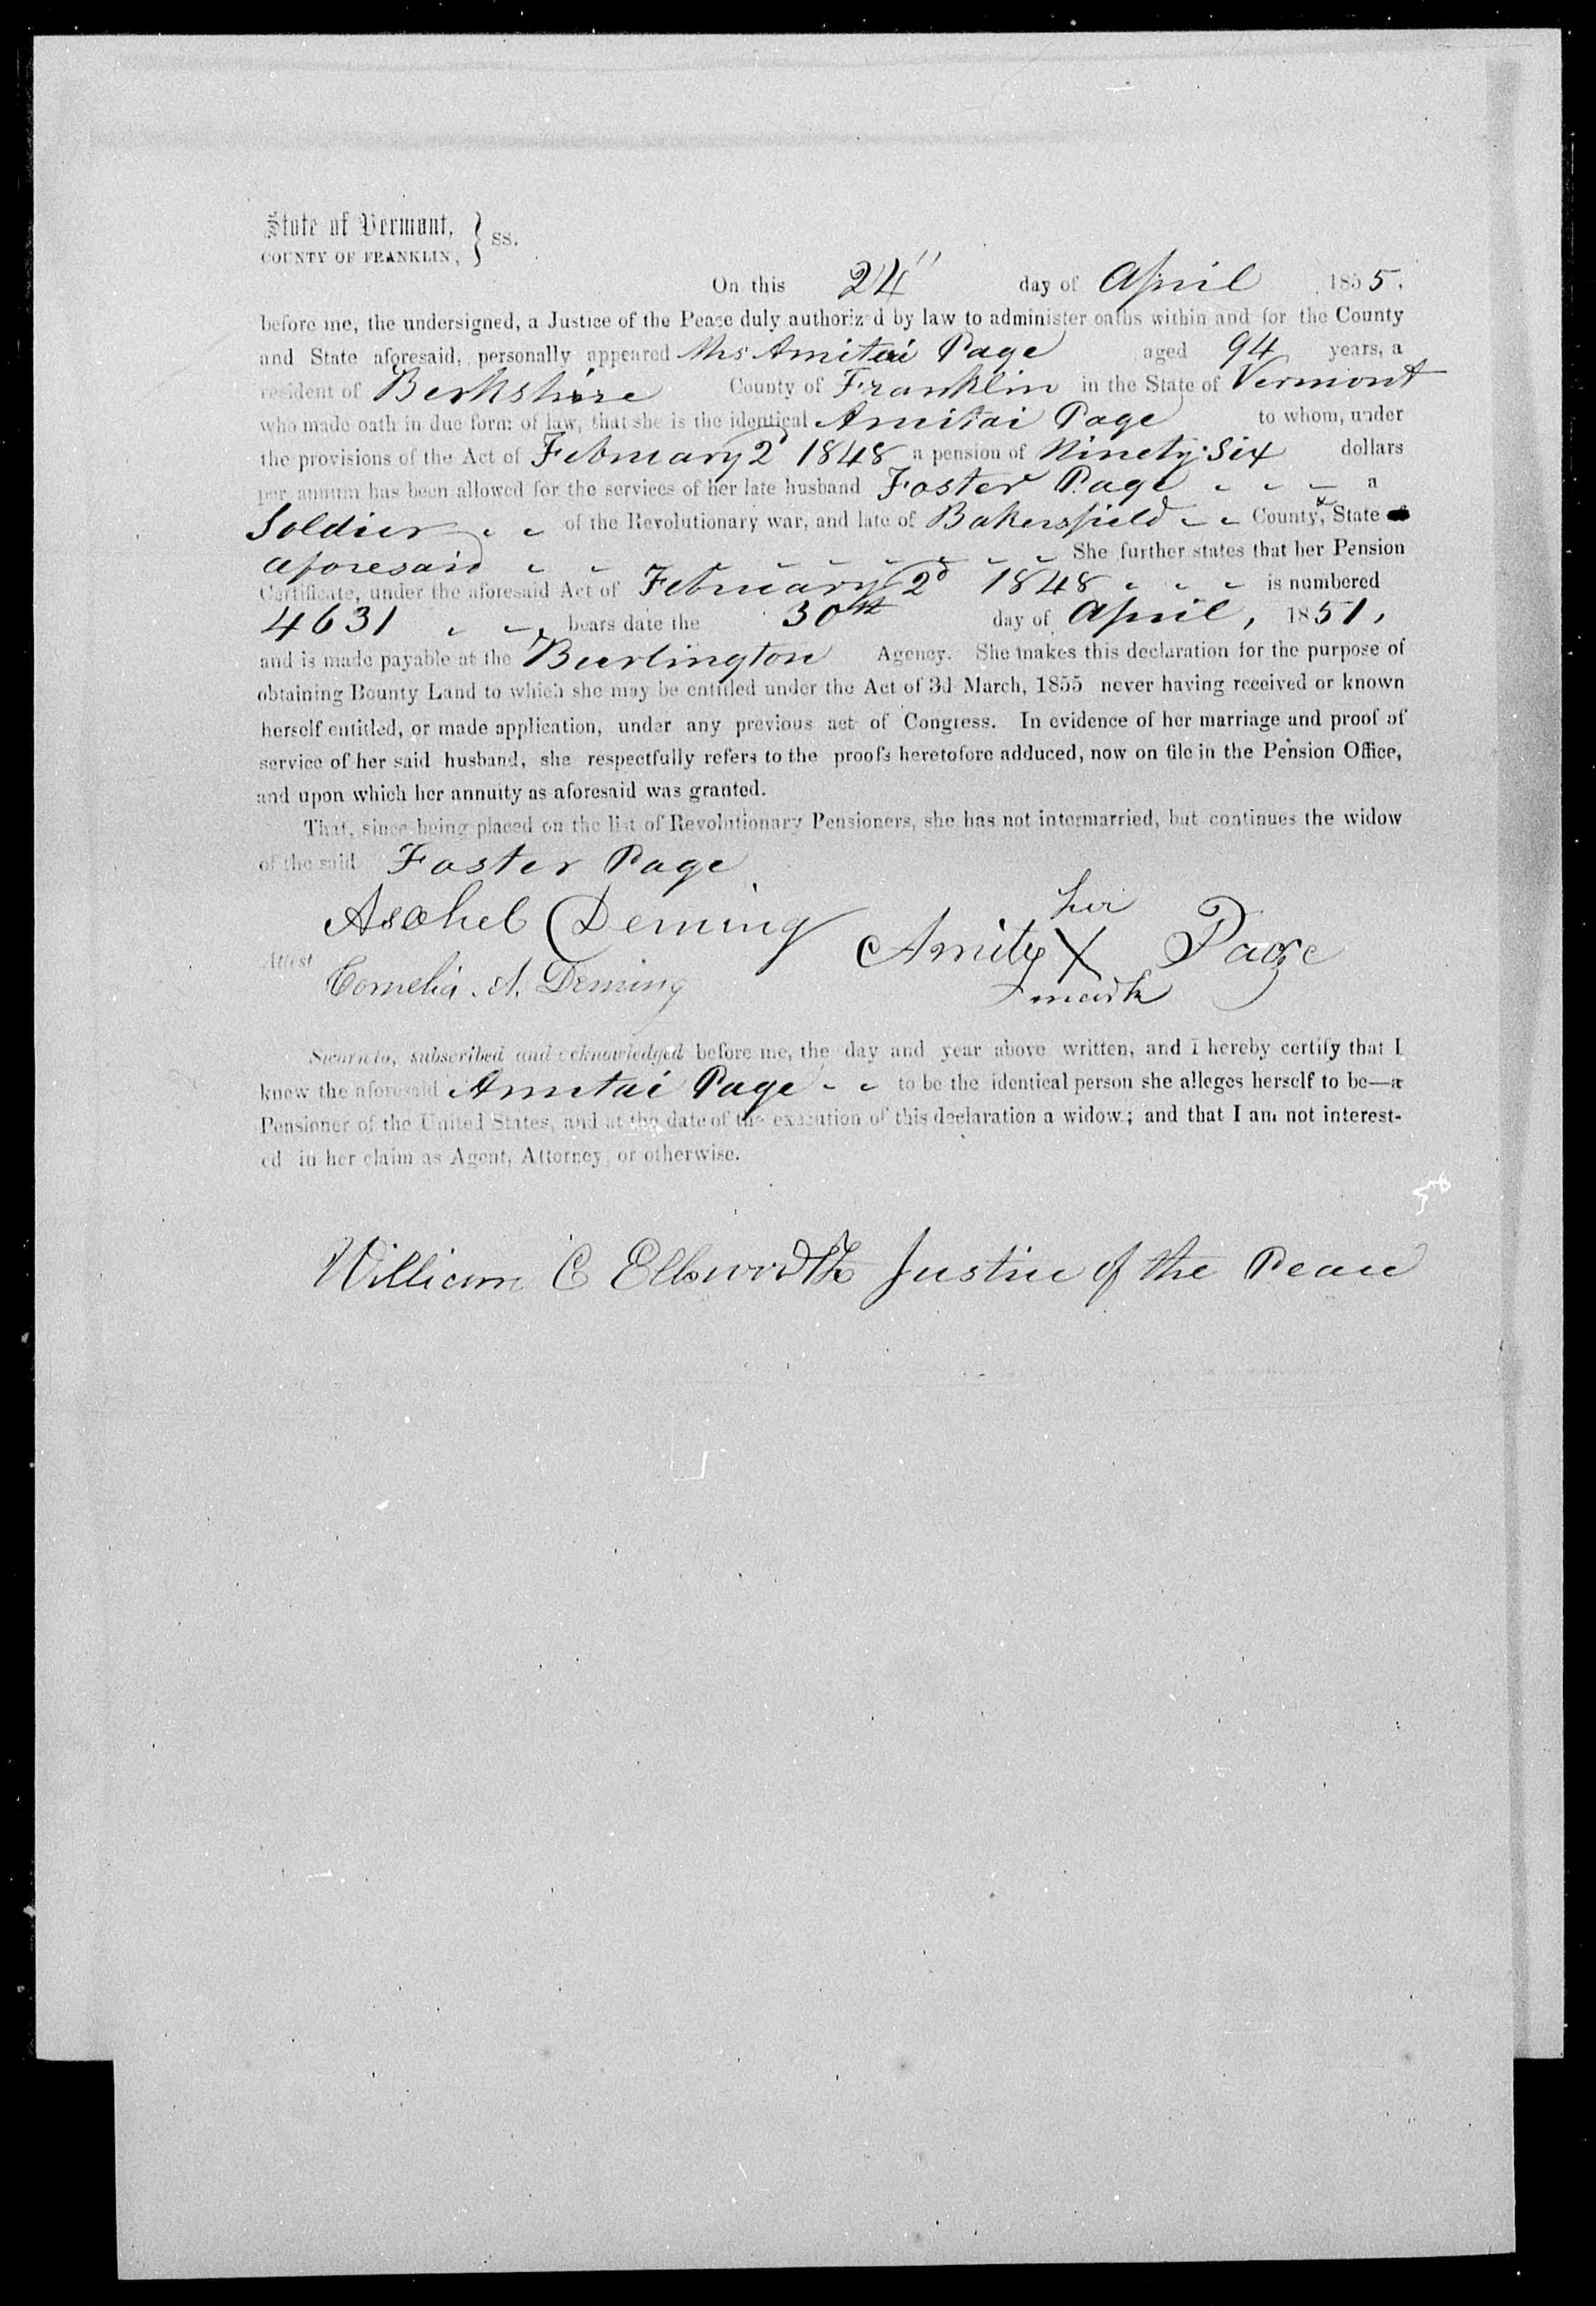State of Vermont,
COUNTY OF FRANKLIN, ┃ss.
On this 24th day of April 1855
before me, the undersigned, a Justice of the Peace duly authorized by law to administer oaths within and for the County
and State aforesaid, personally appeared Mrs Amitai Page aged 94 years, a
resident of Berkshire County of Franklin in the State of Vermont
who made oath in due form of law, that she is the identical Amitai Page
to whom, under the
provisions of the Act of February 2d 1848 a pension of ninety six dollars
per annum has been allowed for the services of her late husband Foster Page --- a
Soldier of the Revolutionary war, and late of Bakersfield -- County State
aforesaid --- She further states that her Pension
Certificate, under the aforesaid Act of February 2d 1848 --- is numbered
4631 -- bears date the 30th day of April, 1851,
and is made payable at the Burlington Agency. She makes this declaration for the purpose of
obtaining Bounty Land to which she may be entitled under the Act of 3d March, 1855 never having received or known
herself entitled, or made application, under any previous act of Congress. In evidence of her marriage and proof of
service of her said husband, she respectfully refers to the proofs heretofore adduced, now on file in the Pension Office,
and upon which her annuity as aforesaid was granted.
That, since being placed on the list of Revolutionary Pensioners, she has not intermarried, but continues the widow
the said Foster Page
Asahel Denning
Attest
Cornelia A. Deming
her
Amity X Page
mark
Sworn to, subscribed and acknowledged before me, the day and year above written, and I hereby certify that I
knew the aforesaid Amitai Page to be the identical person she alleges herself to be - a
Pensioner of the United States, and at the date of the execution of this declaration a widow; and that I am not interested
in her claim as Agent, Attorney or otherwise.
William C Ellsworth Justice of the Peace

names: Amitai Page; Foster Page; William C Ellsworth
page: 20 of 40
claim: widow's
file: W. 15168, for Foster Paige, Massachusetts